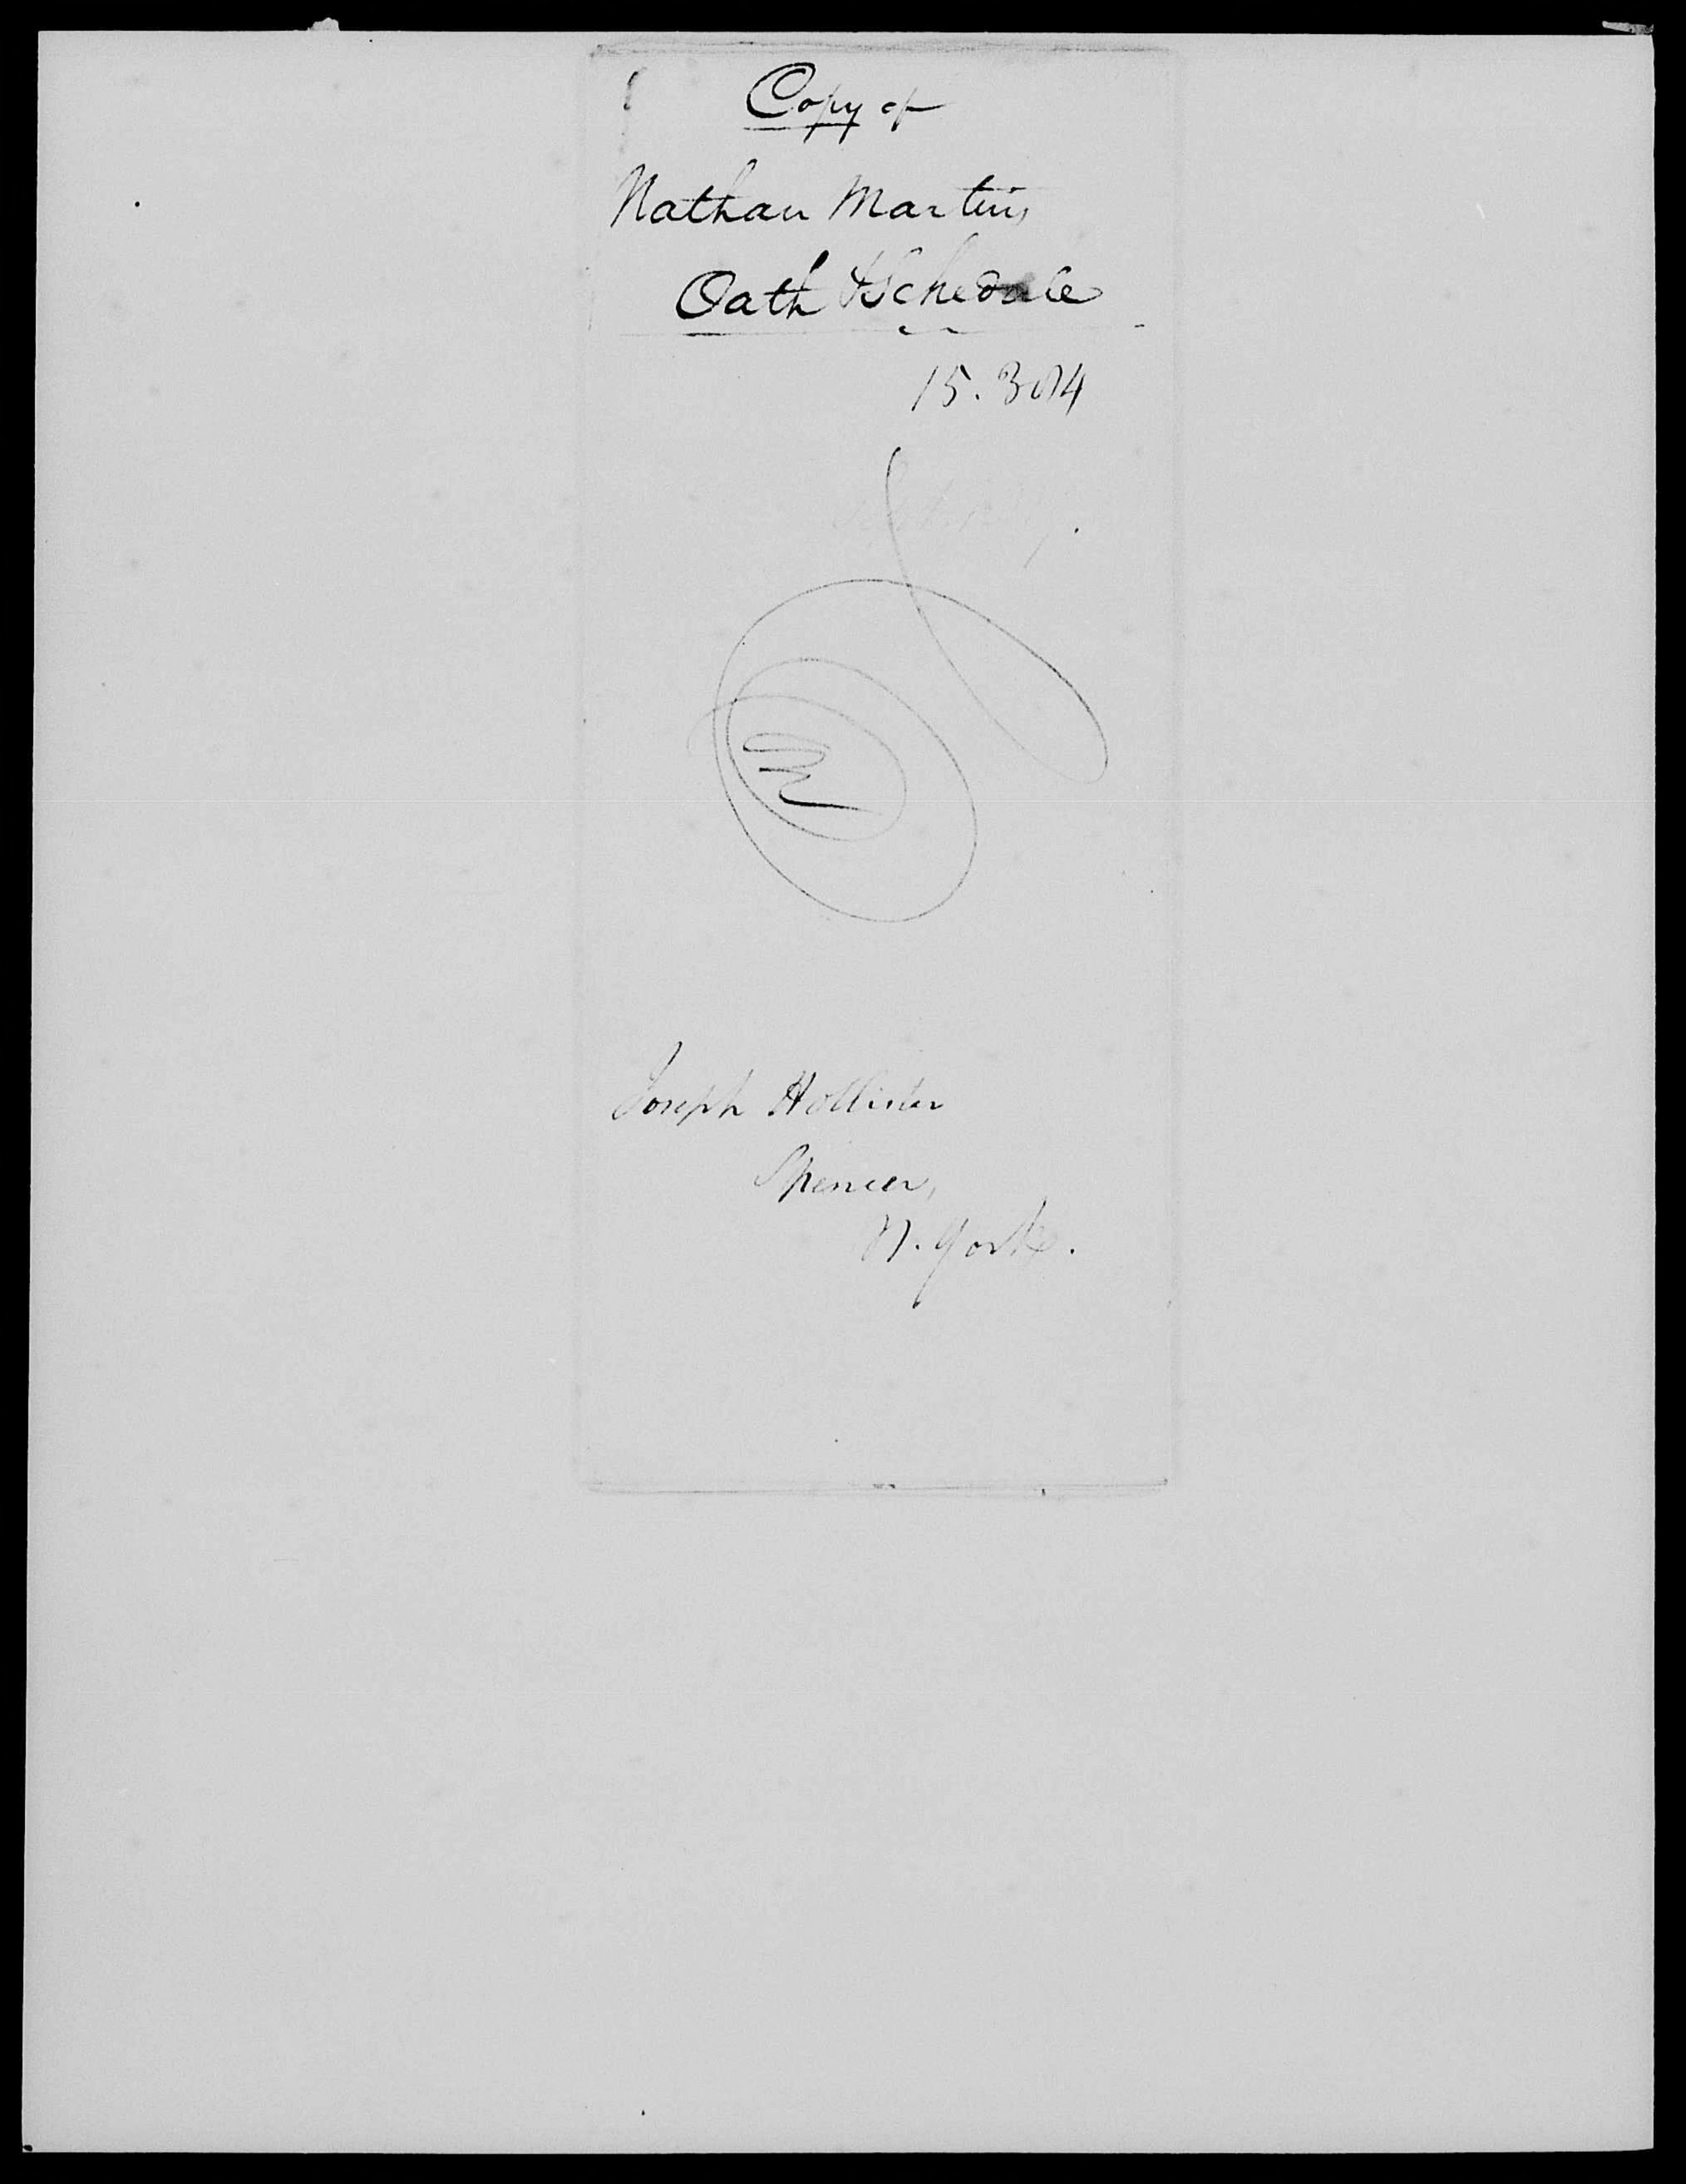Copy of
Nathan Martin
Oath & Schedule
15.3014
[illegible]
Joseph Hollister
Spencer,
N. York.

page: 7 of 30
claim: widow's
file: W. 23,904, for Nathan Martin, New Hampshire